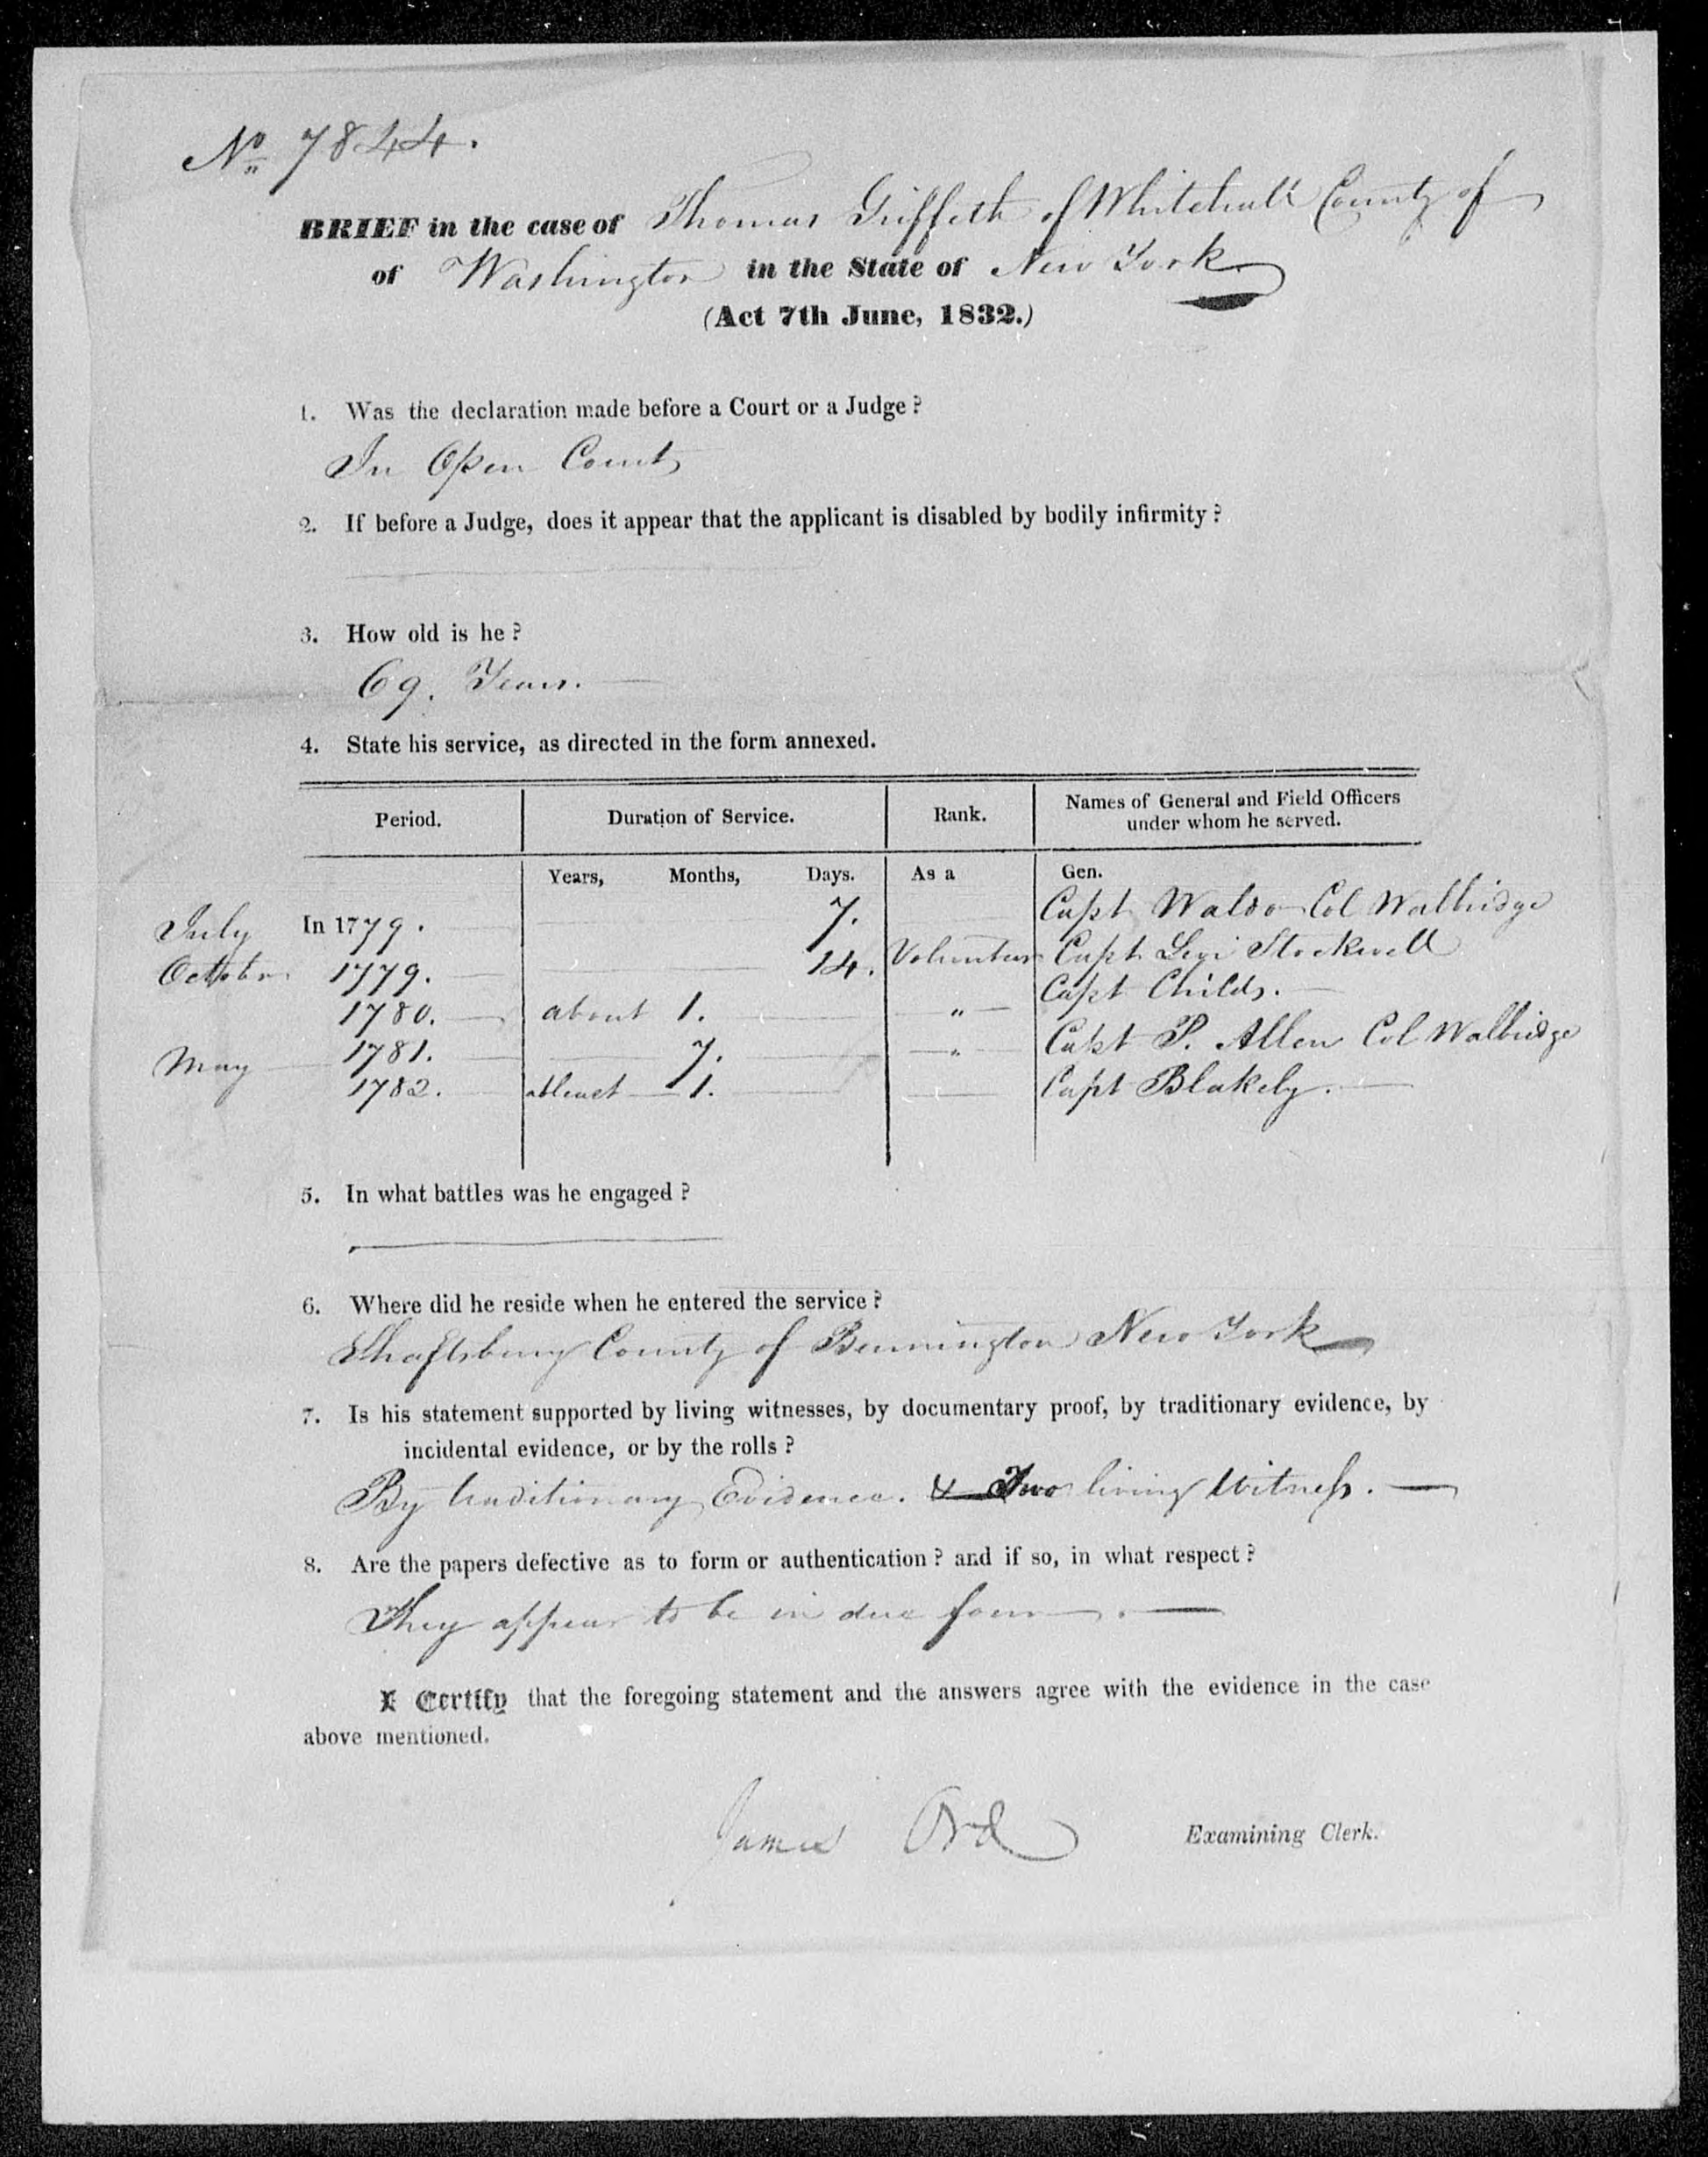No 7844.
BRIEF in the case of Thomas Griffith of Whitehall County of of Washington in the State of New York
(Act 7th June, 1832.)

1. Was the declaration made before a Court or a Judge? In Open Court
2. If before a Judge, does it appear that the applicant is disabled by bodily infirmity?
3. How old is he? 69 years
4. State his service, as directed in the form annexed.

Period.
July in 1779
October 1779
1780
May 1781
1782

Duration of Service. Years,  Months, Days
7 days
14 days
about 1 month
7 months
about 1 month

Rank.
As a  Volunteer

Names of General and Field Officers under whom he served.
Gen.
Capt Waldo Col Walbridge
Capt Levi Stockwell
Capt Childs.-
Capt P. Allen Col Walbridge
Capt Blakely


5.  In what battles was he engaged? _____
6. Where did he reside when he entered the service? Shaftsbury County of Bennington New York
7. Is his statement supported by living witnesses, by documentary proof, by traditionary evidence, by incidental evidence, or by the rolls?
By traditionary Evidence. & Two living witness.-
8. Are the papers defective as to form or authentication? and if so, in what respect?
They appear to be in due form
---
I certify that the foregoing statement and the answers agree with the evidence in the case
above mentioned.
James Ord Examining Clerk.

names: James Ord, Levi Stockwell, P Allen, Walbridge, Walbridge, Childs, Thomas Griffeth, Blakely, Waldo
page: 12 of 14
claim: survivor's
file: S. 23663, Thomas Griffith, New York Vt.